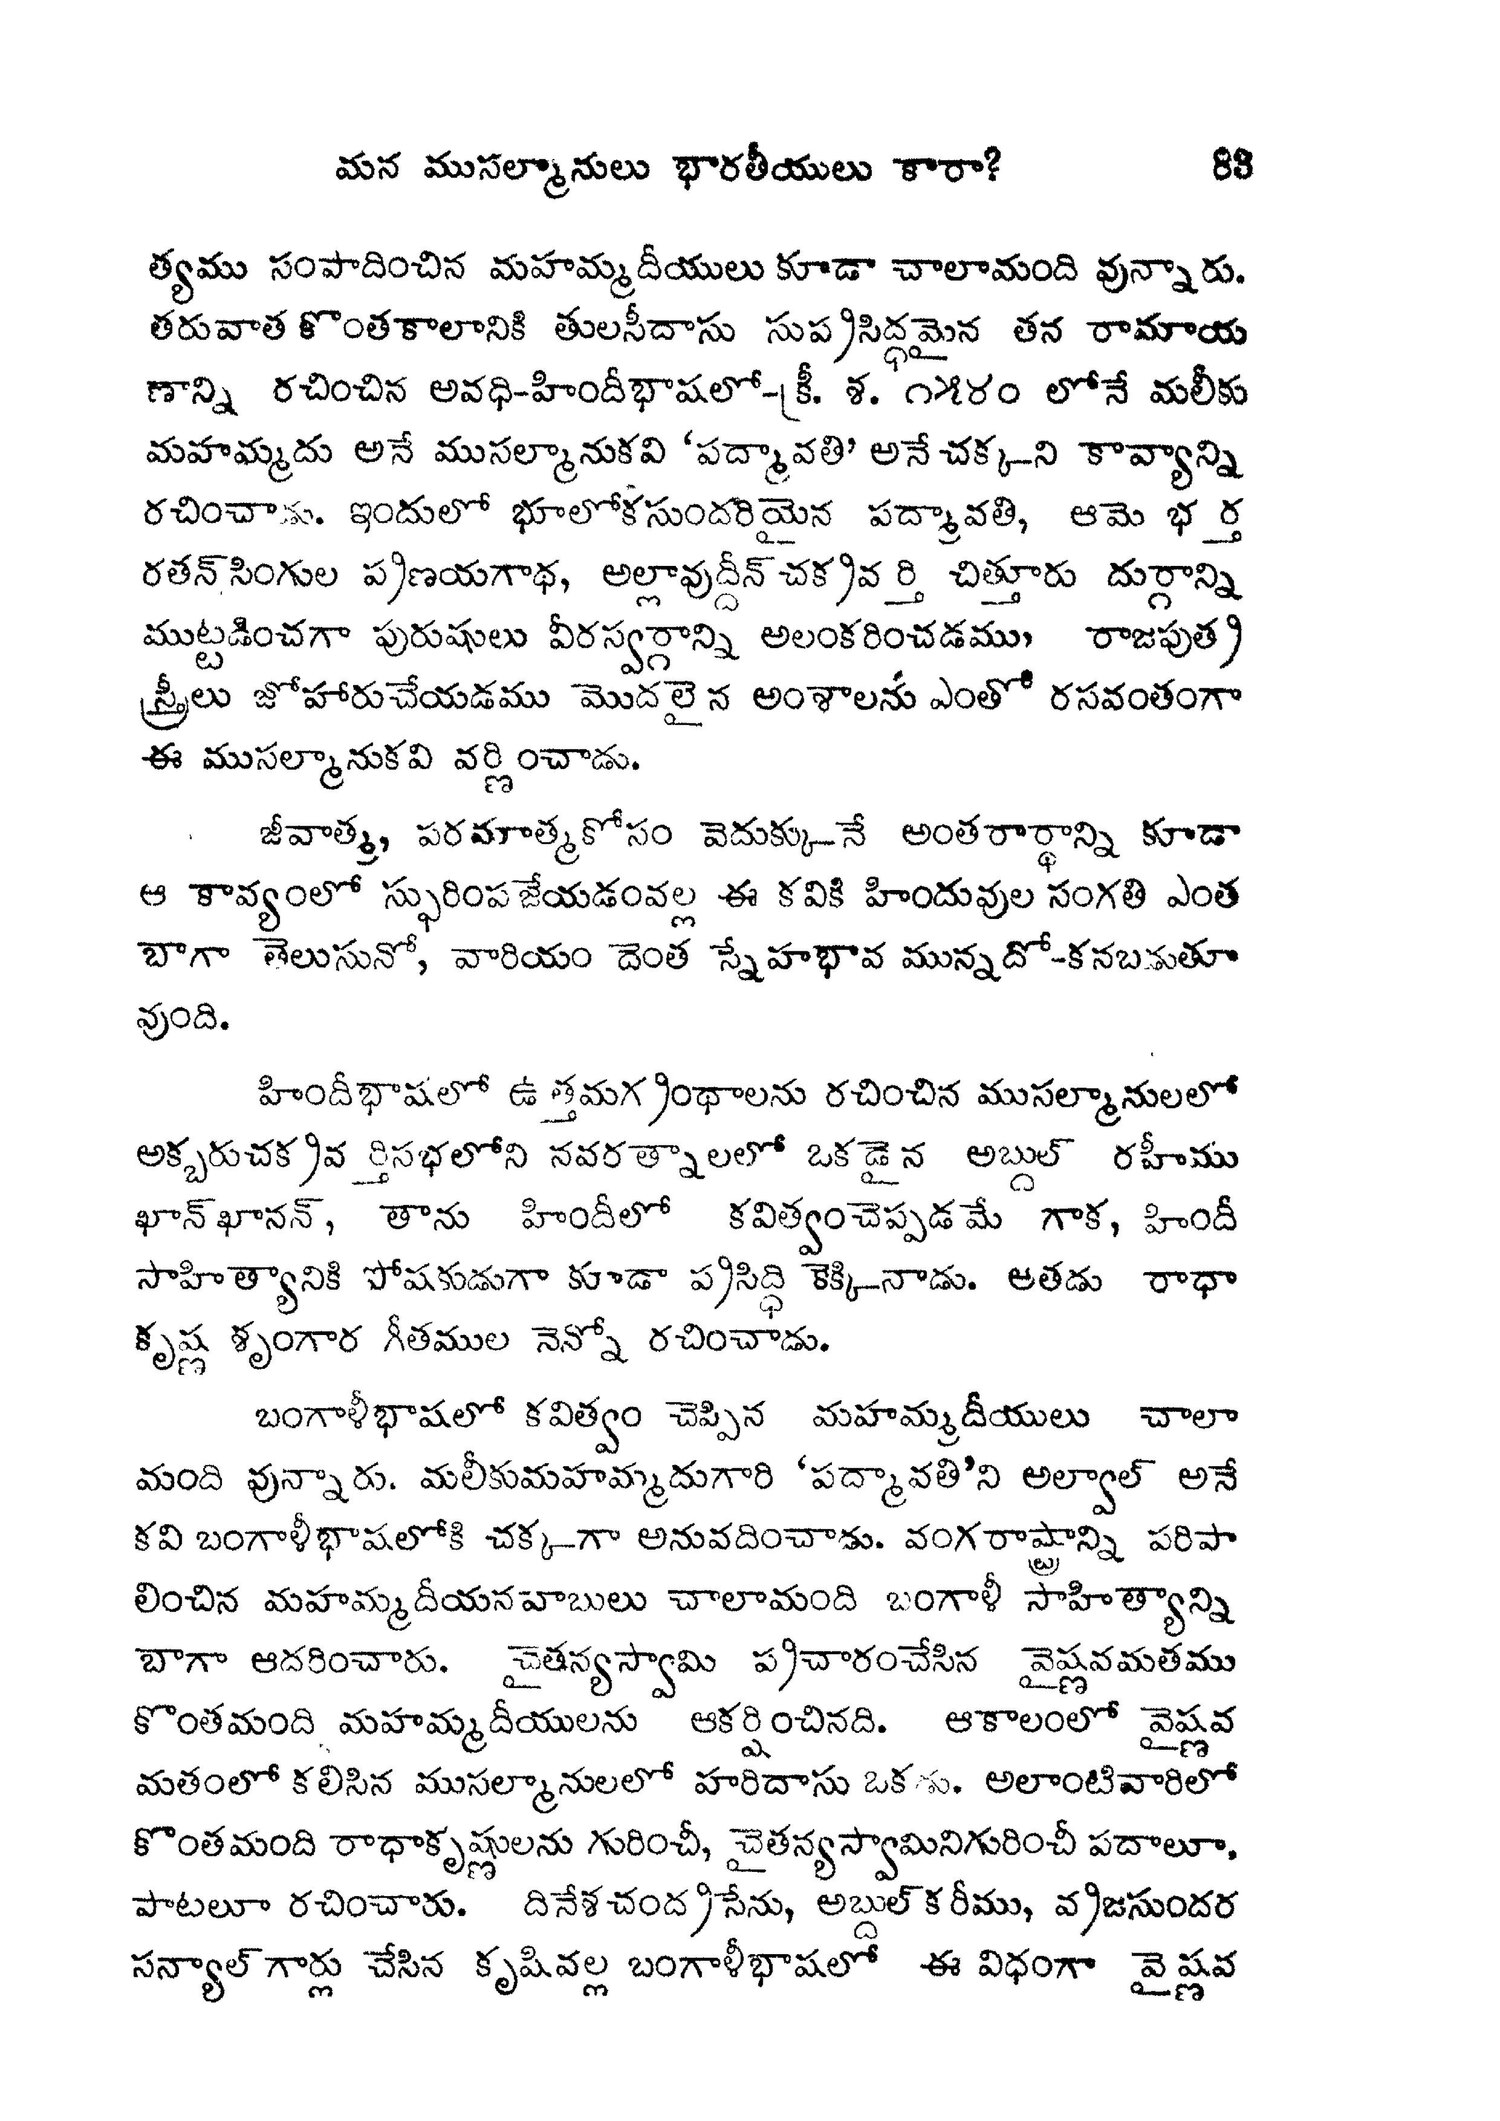త్యము సంపాదించిన మహమ్మదీయులు కూడా చాలామంది వున్నారు. తరువాత కొంతకాలానికి తులసీదాసు సుప్రసిద్ధమైన తన రామాయణాన్ని రచించిన అవధి-హిందీబాషలలో క్రీ.శ.1540 లోనే మలీకు మహమ్మదు అనే ముసల్మానుకవి 'పద్మావతి ' అనే చక్కని కావ్యాన్ని రచించాడు. ఇందులో భూలోకసుందరియైన పద్మావతి, ఆమెభర్త రతన్ సింగుల ప్రణయగాధ, అల్లావుద్దీన్ చక్రవర్తి చిత్తూరు దుర్గాన్నిముట్టడించగా పురుషులు వీరస్వర్గాన్ని అలంకరించడము, రాజపుత్రస్త్రీలు జోహారుచేయడము మొదలైన అంశాలను ఎంతో రసవంతంగా ఈ ముసల్మానుకవి వర్ణించాడు.

జీవాత్మ, పరమాత్మకోసం వెదుక్కునే అంతరార్ధాన్ని కూడా ఆ కావ్యంలో స్ఫురింపజేయడంవల్ల ఈ కవికి హిందువుల సంగతి ఎంతబాగా తెలుసునో, వారియం దెంత స్నేహభావ మున్నదో కనబడుతూవుంది.

హిందీభాషలో ఉత్తమగ్రంధాలను రచించిన ముసల్మానులలో అక్బరుచక్రవర్తి సభలోని నవరత్నాలలో ఒకడైన అబ్దుల్ రహీముఖానుఖానన్, తాను హిందీలో కవిత్వంచెప్పడమే గాక, హిందీ సాహిత్యానికి పోషకుడుగా కూడా ప్రసిద్ధి కెక్కినాడు. అతడు రాధాకృష్ణ శృంగార గీతముల నెన్నోరచించాడు.

బంగాళీభాషలో కవిత్వం చెప్పిన మహమ్మదీయులు చాలా మంది వున్నారు. మలీకుమహమ్మదుగారి 'పద్మావతి 'ని అల్వాల్ అనే కవి బెంగాళీభాషలోకి చక్కగా అనువదించాడు. వంగరాష్ట్రాన్ని పరిపాలించిన మహమ్మదీయనవాబులు చాలామంది బంగాళీ సాహిత్యాన్ని బాగా ఆదరించారు. చైతన్యస్వామి ప్రచారంచేసిన వైష్ణవమతము కొంతమంది మహమ్మదీయులను ఆకర్షించినది. ఆకాలంలో వైష్ణవమతంలో కలిసిన ముసల్మానులలో హరిదాసు ఒకరు. అలాంటి వారిలో కొంతమంది రాధాకృష్ణులను గురించీ, చైతన్యస్వాములనుగురించీ పదాలూ, పాటలూ రచించారు. దినేకచంద్రసేను, అబ్దుల్ కరీము. వ్రజసుందర సన్యాల్ గార్లు చేసిన కృషివల్ల బంగాళీభాషలో ఈ విధంగా వైష్ణవ